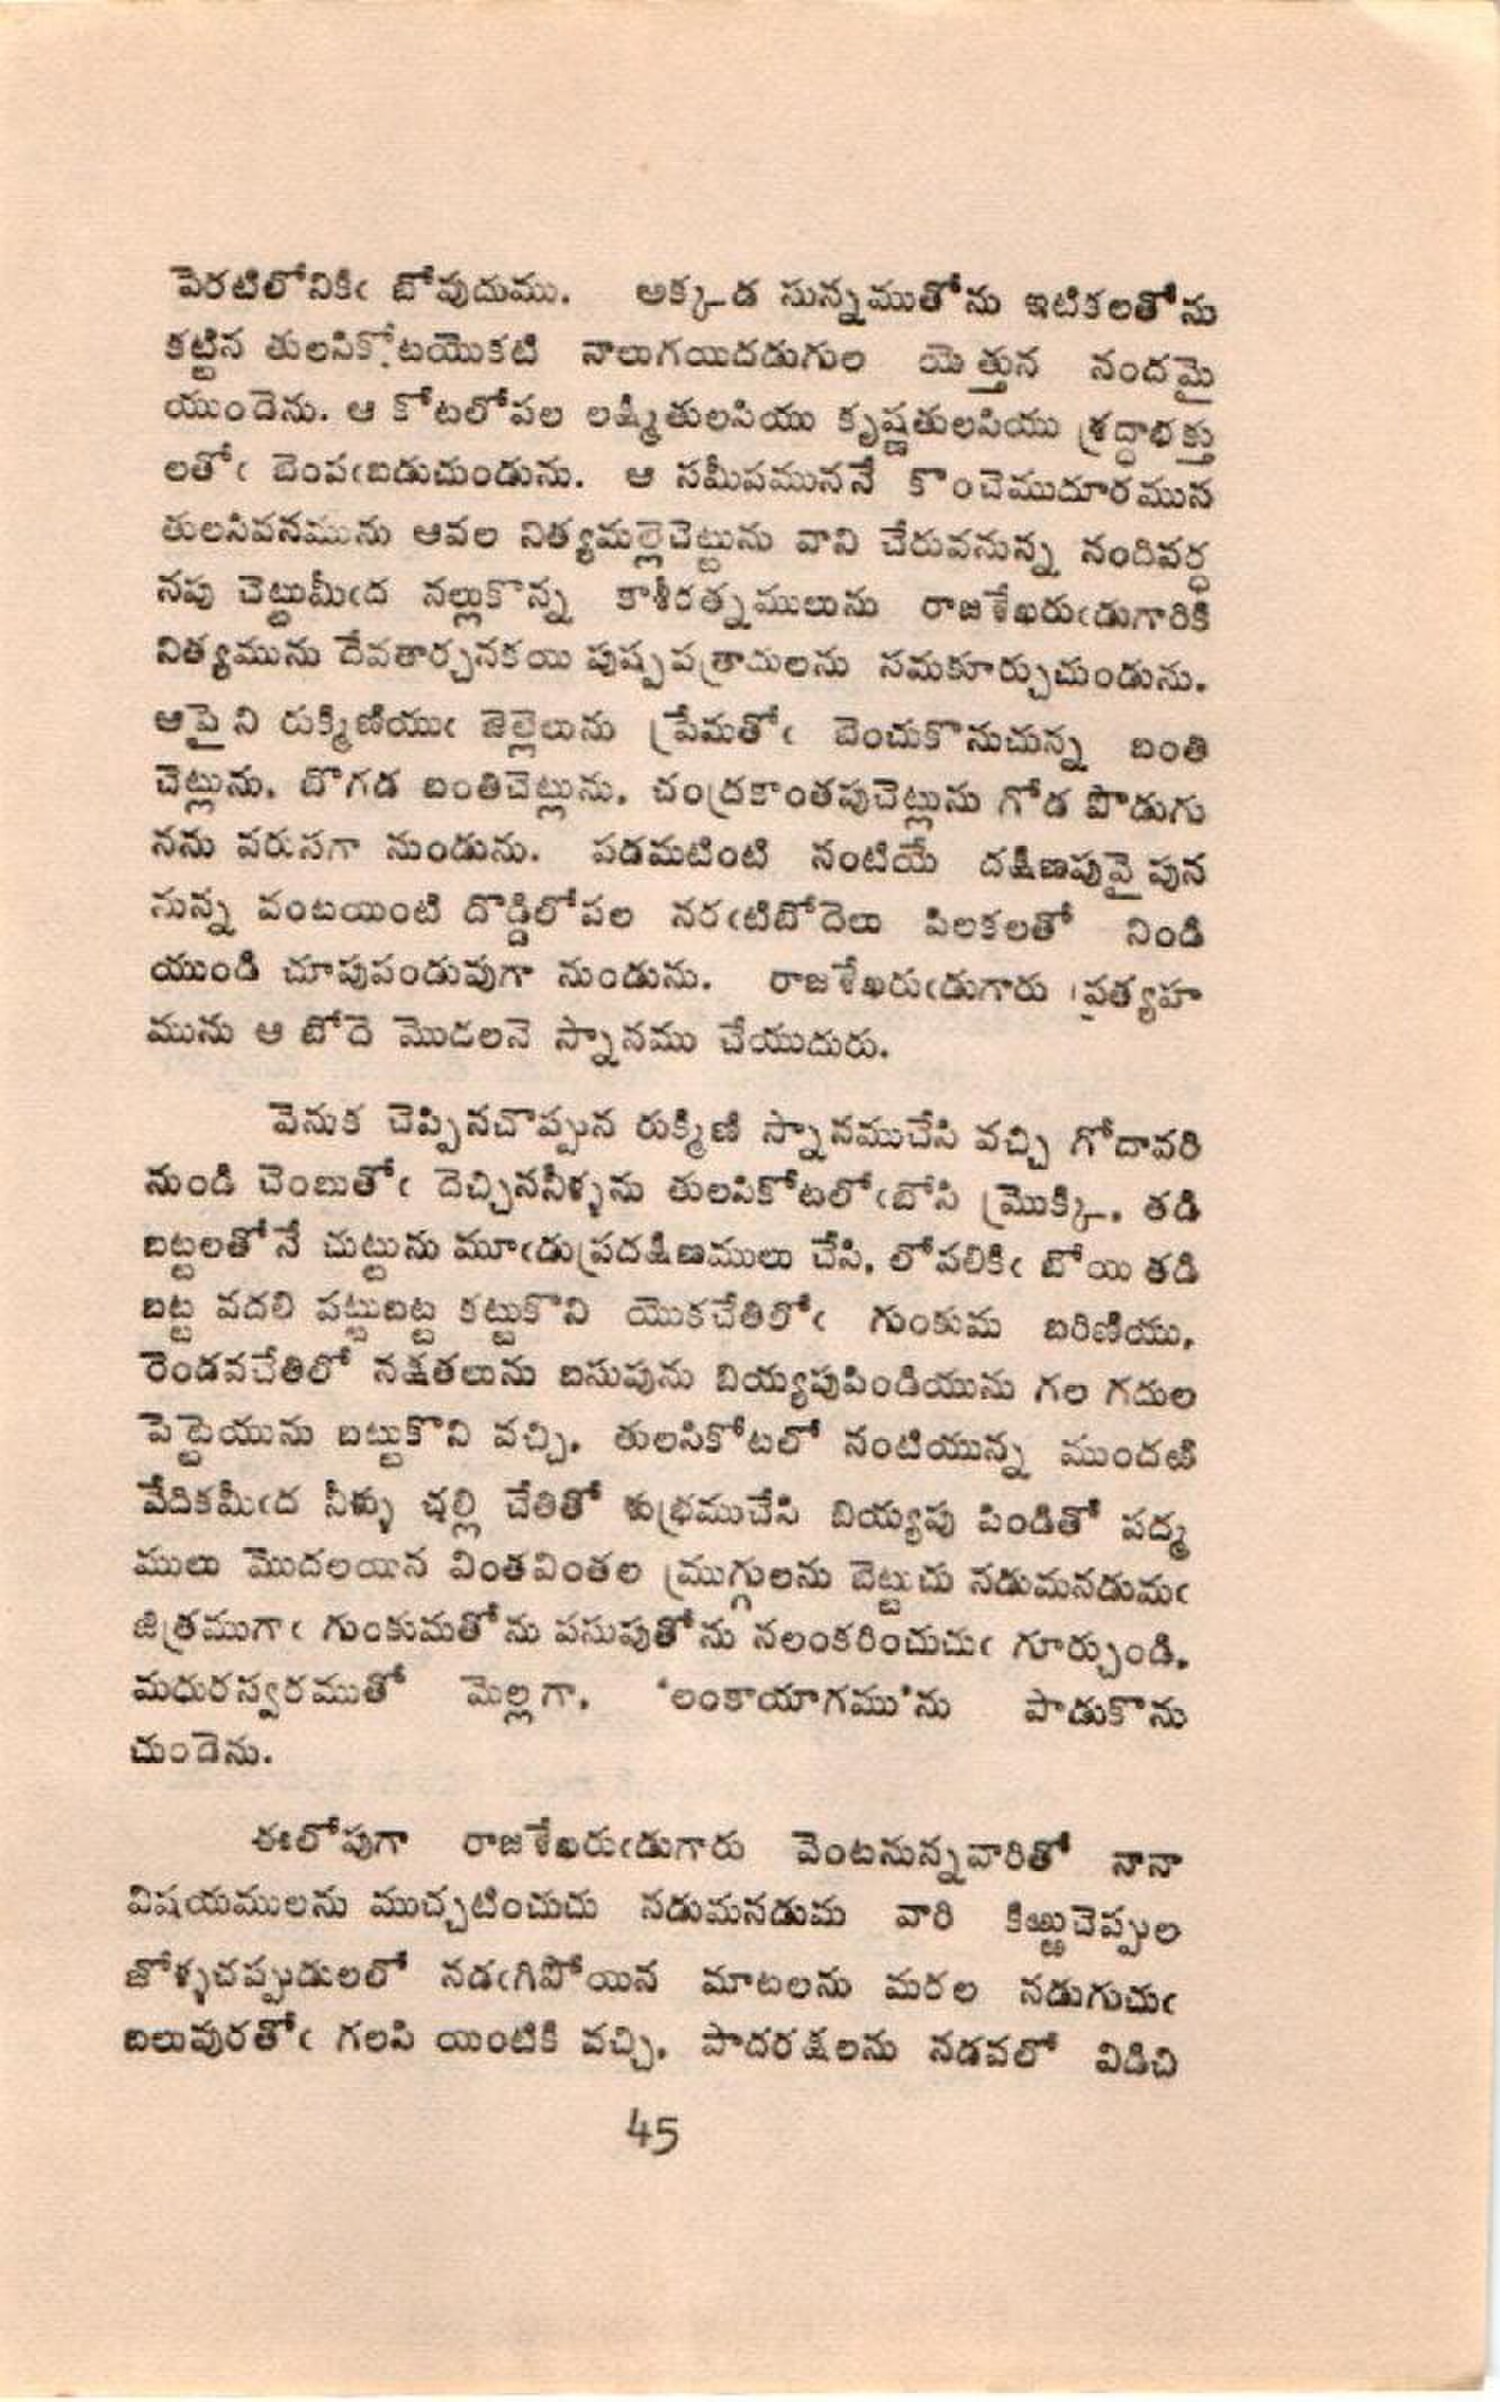పెరటిలోనికి బోవుదుము. అక్కడ సున్నముతోను ఇటికలతోను కట్టిన తులసికోటయొకటి నాలుగయిదడుగుల యెత్తున నందమై యుండెను. ఆ కోటలోపల లక్ష్మితులసియు కృష్ణతులసియు శ్రద్ధాభక్తులతో బెంపఁబడుచుండును. ఆ సమీపముననే కొంచెము దూరమున తులసివనమును ఆవల నిత్యమల్లెచెట్టును వాని చేరువనున్న నందివర్ధ నపు చెట్టుమీఁద నల్లుకొన్న కాశీరత్నములను రాజశేఖరుడు నిత్యమును దేవతార్చనకయి పుష్పపత్రాదులను సమకూర్చుచుండును. ఆ పైని రుక్మిణియుఁ జెల్లెలును ప్రేమతో బెంచుకొనుచున్న బంతి చెట్లను బొగడ బంతిచెట్లును, చంద్రకాంతపుచెట్లును గోడ పొడుగు నను వరుసగా నుండును. పడమటింటి నంటియే దక్షిణపువైపున నున్న వంటయింటి దొడ్డిలోపల నరఁటిబోదెలు పిలకలతో నిండి యుండి చూపుపండువుగా నుండును. రాజశేఖరుడుగారు ప్రత్యహమును ఆ బోదె మొదలనె స్నానము చేయుదురు.

వెనుక చెప్పినచొప్పున రుక్మిణి స్నానముచేసి వచ్చి గోదావరి నుండి చెంబుతో దెచ్చిననీళ్ళను తులసికోటలోబోసి మ్రొక్కి, తడి బట్టలతోనే చుట్టును మూఁడు ప్రదక్షిణములు చేసి, లోపలికిఁ బోయి తడి బట్ట వదలి పట్టుబట్ట కట్టుకొని యెడమచేతితో గుంకుమ బరిణియు, రెండవ చేతిలో నక్షతలను బసుపును బియ్యపుపిండియునుగల గదుల పెట్టెయును బట్టుకొని వచ్చి, తులసికోటలో నంటియున్న ముందఱి వేదికమీద నీళ్ళు చల్లి చేతితో శుభ్రముచేసి బియ్యపు పిండితో పద్మములు మొదలయిన వింతవింతల మ్రుగ్గులను బెట్టుచు నడుమనడుమ జిత్రముగా గుంకుమతోను పసుపుతోనునలంకరించుచుఁ గూర్చుండి, మధుర స్వరముతో మెల్లగా, "లంకాయాగము"ను పాడుకొనుచుండెను.

ఈలోపుగా రాజశేఖరుడుగారు వెంటనున్నవారితో నానా విషయములను ముచ్చటించుచు నడుమనడుమ వారి కిఱ్ఱుచెప్పుల జోళ్ళచప్పుడులలో నడఁగిపోయిన మాటలను మరల నడుగుచుఁ బలువురతోఁ గలసి యింటికి వచ్చి, పాదరక్షలను నడవలో విడిచి